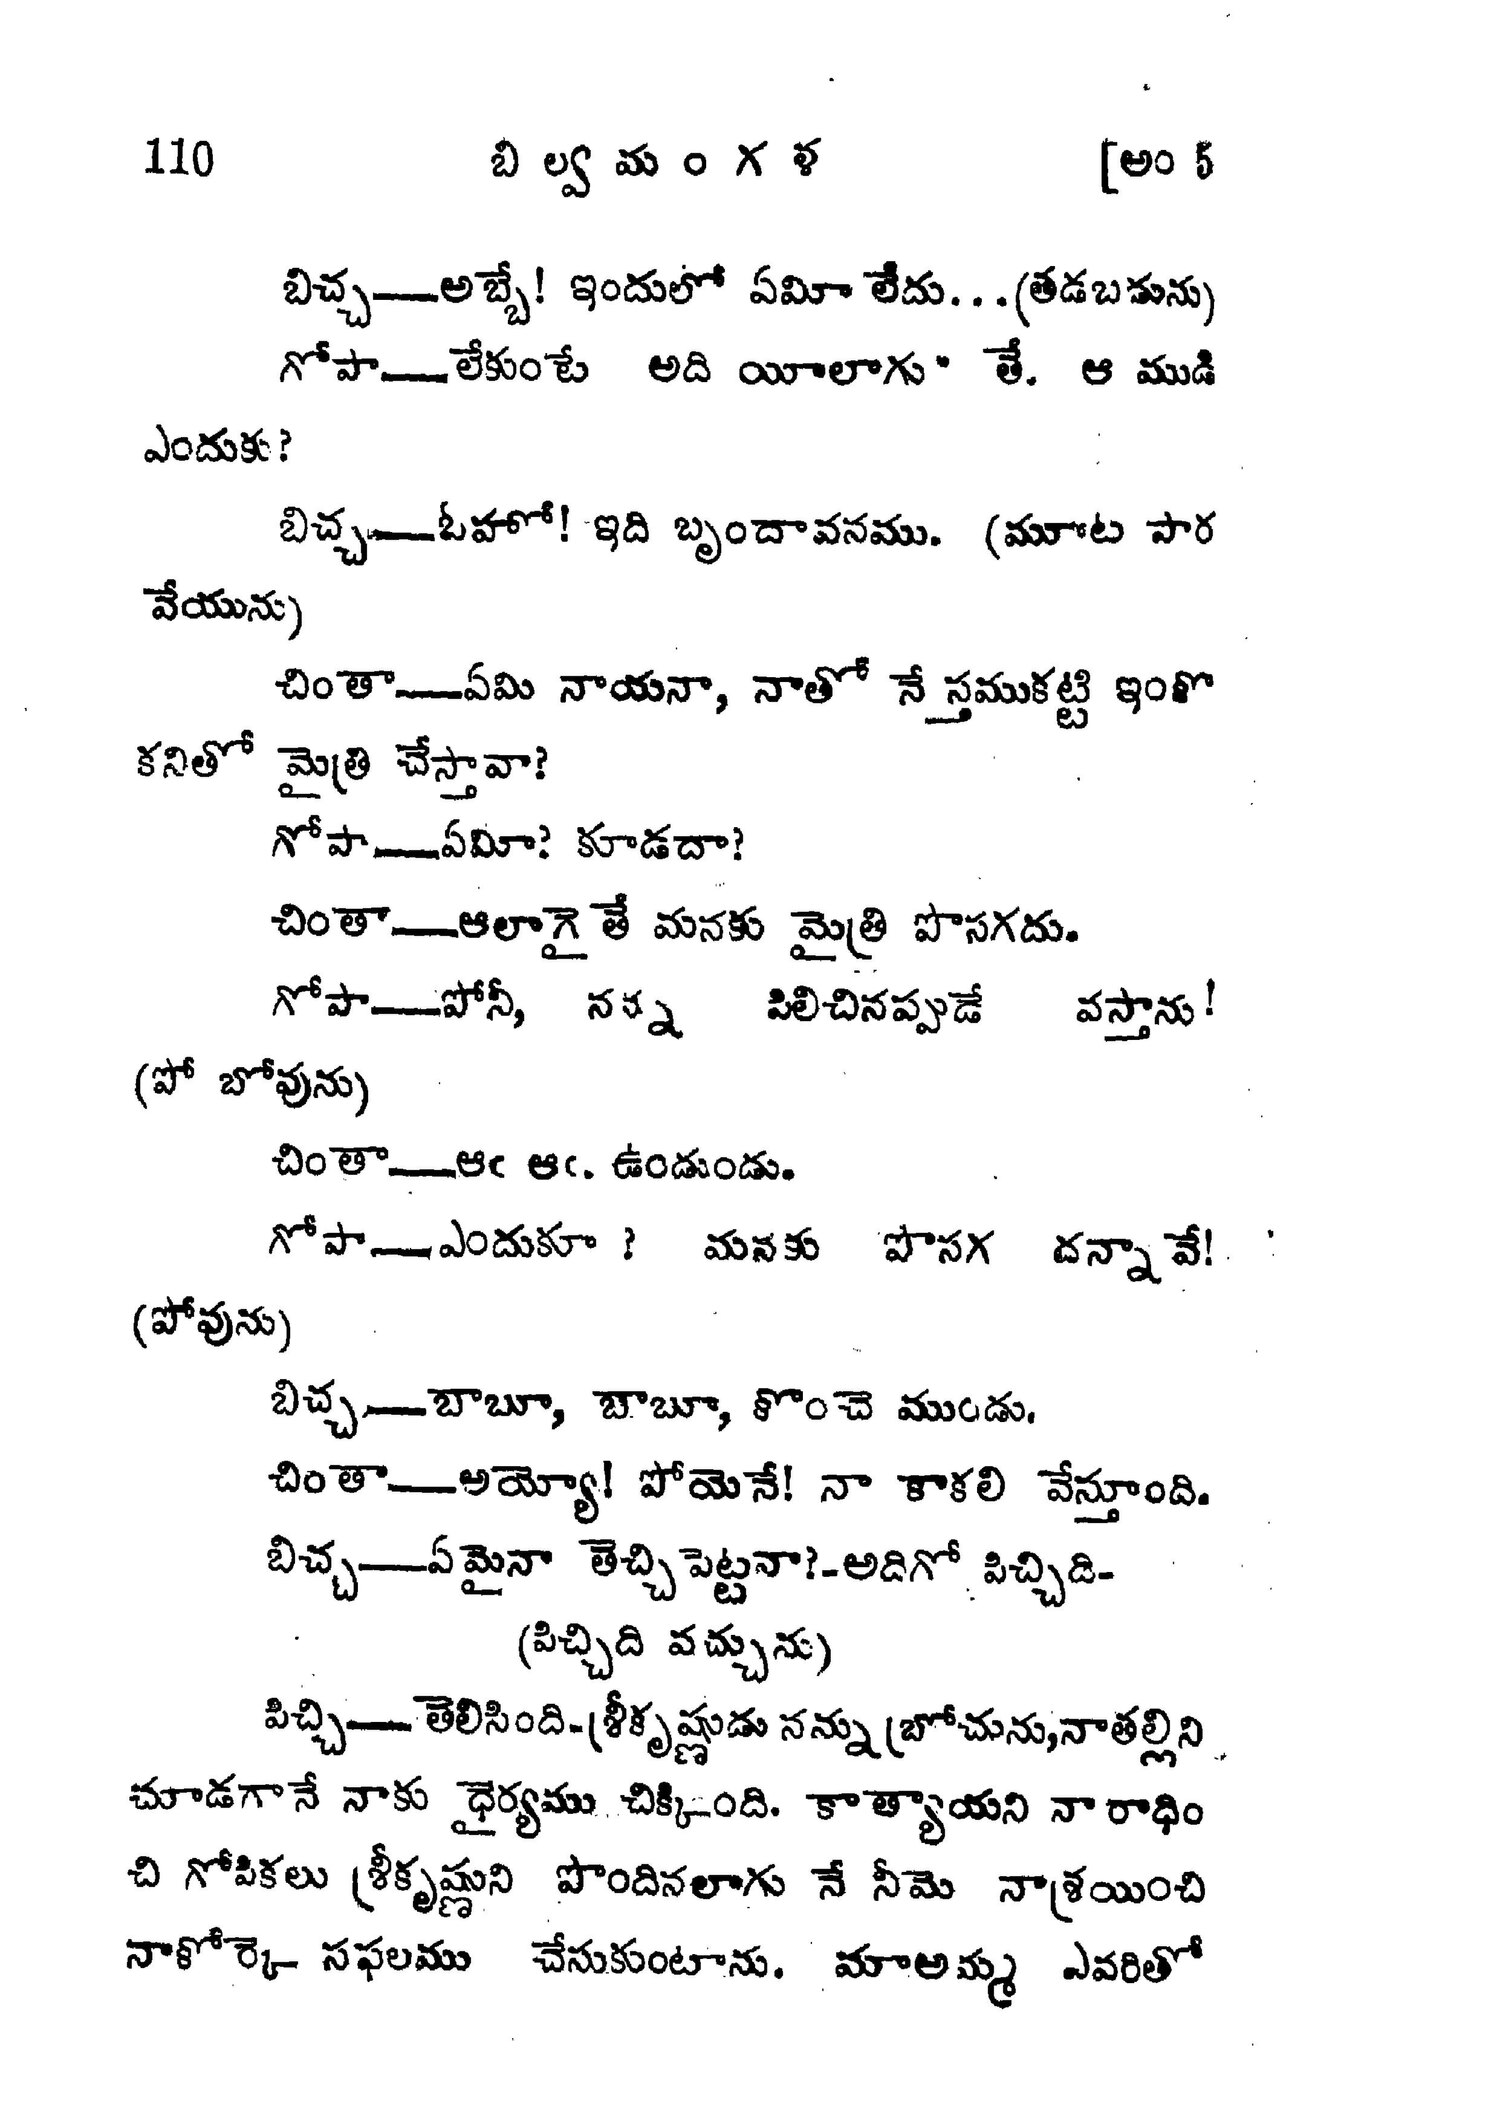బిచ్చ - అబ్బే! ఇందులో ఏమీ లేదు...(తడబడును)

గోపా - లేకుంటే అది యీలాగు తే. ఆ ముడి ఎందుకు?

బిచ్చ - ఓహో! ఇది బృందావనము. (మూట పారవేయును)

చింతా - ఏమి నాయనా, నాతో నేస్తముకట్టి ఇంకొకనితో మైత్రి చేస్తావా?

గోపా - ఏమీ? కూడదా?

చింతా - ఆలాగైతే మనకు మైత్రి పొసగదు.

గోపా - పోనీ, నన్ను పిలిచినప్పుడే వస్తాను! (పో బోవును)

చింతా - ఆఁ ఆఁ. ఉండుండు.

గోపా - ఎందుకూ ? మనకు పొసగ దన్నావే! (పోవును)

బిచ్చ - బాబూ, బాబూ, కొంచె ముండు.

చింతా - అయ్యో! పోయెనే! నా కాకలి వేస్తూంది.

బిచ్చ - ఏమైనా తెచ్చిపెట్టనా?-అదిగో పిచ్చిది.

పిచ్చి - తెలిసింది-శ్రీకృష్ణుడు నన్నుబ్రోచును, నాతల్లిని చూడగానే నాకు ధైర్యము చిక్కింది. కాత్యాయని నారాధించి గోపికలు శ్రీకృష్ణుని పొందినలాగు నే నేమి నాశ్రయించి నాకోర్కె సఫలము చేసుకుంటాను. మాఅమ్మ ఎవరితో